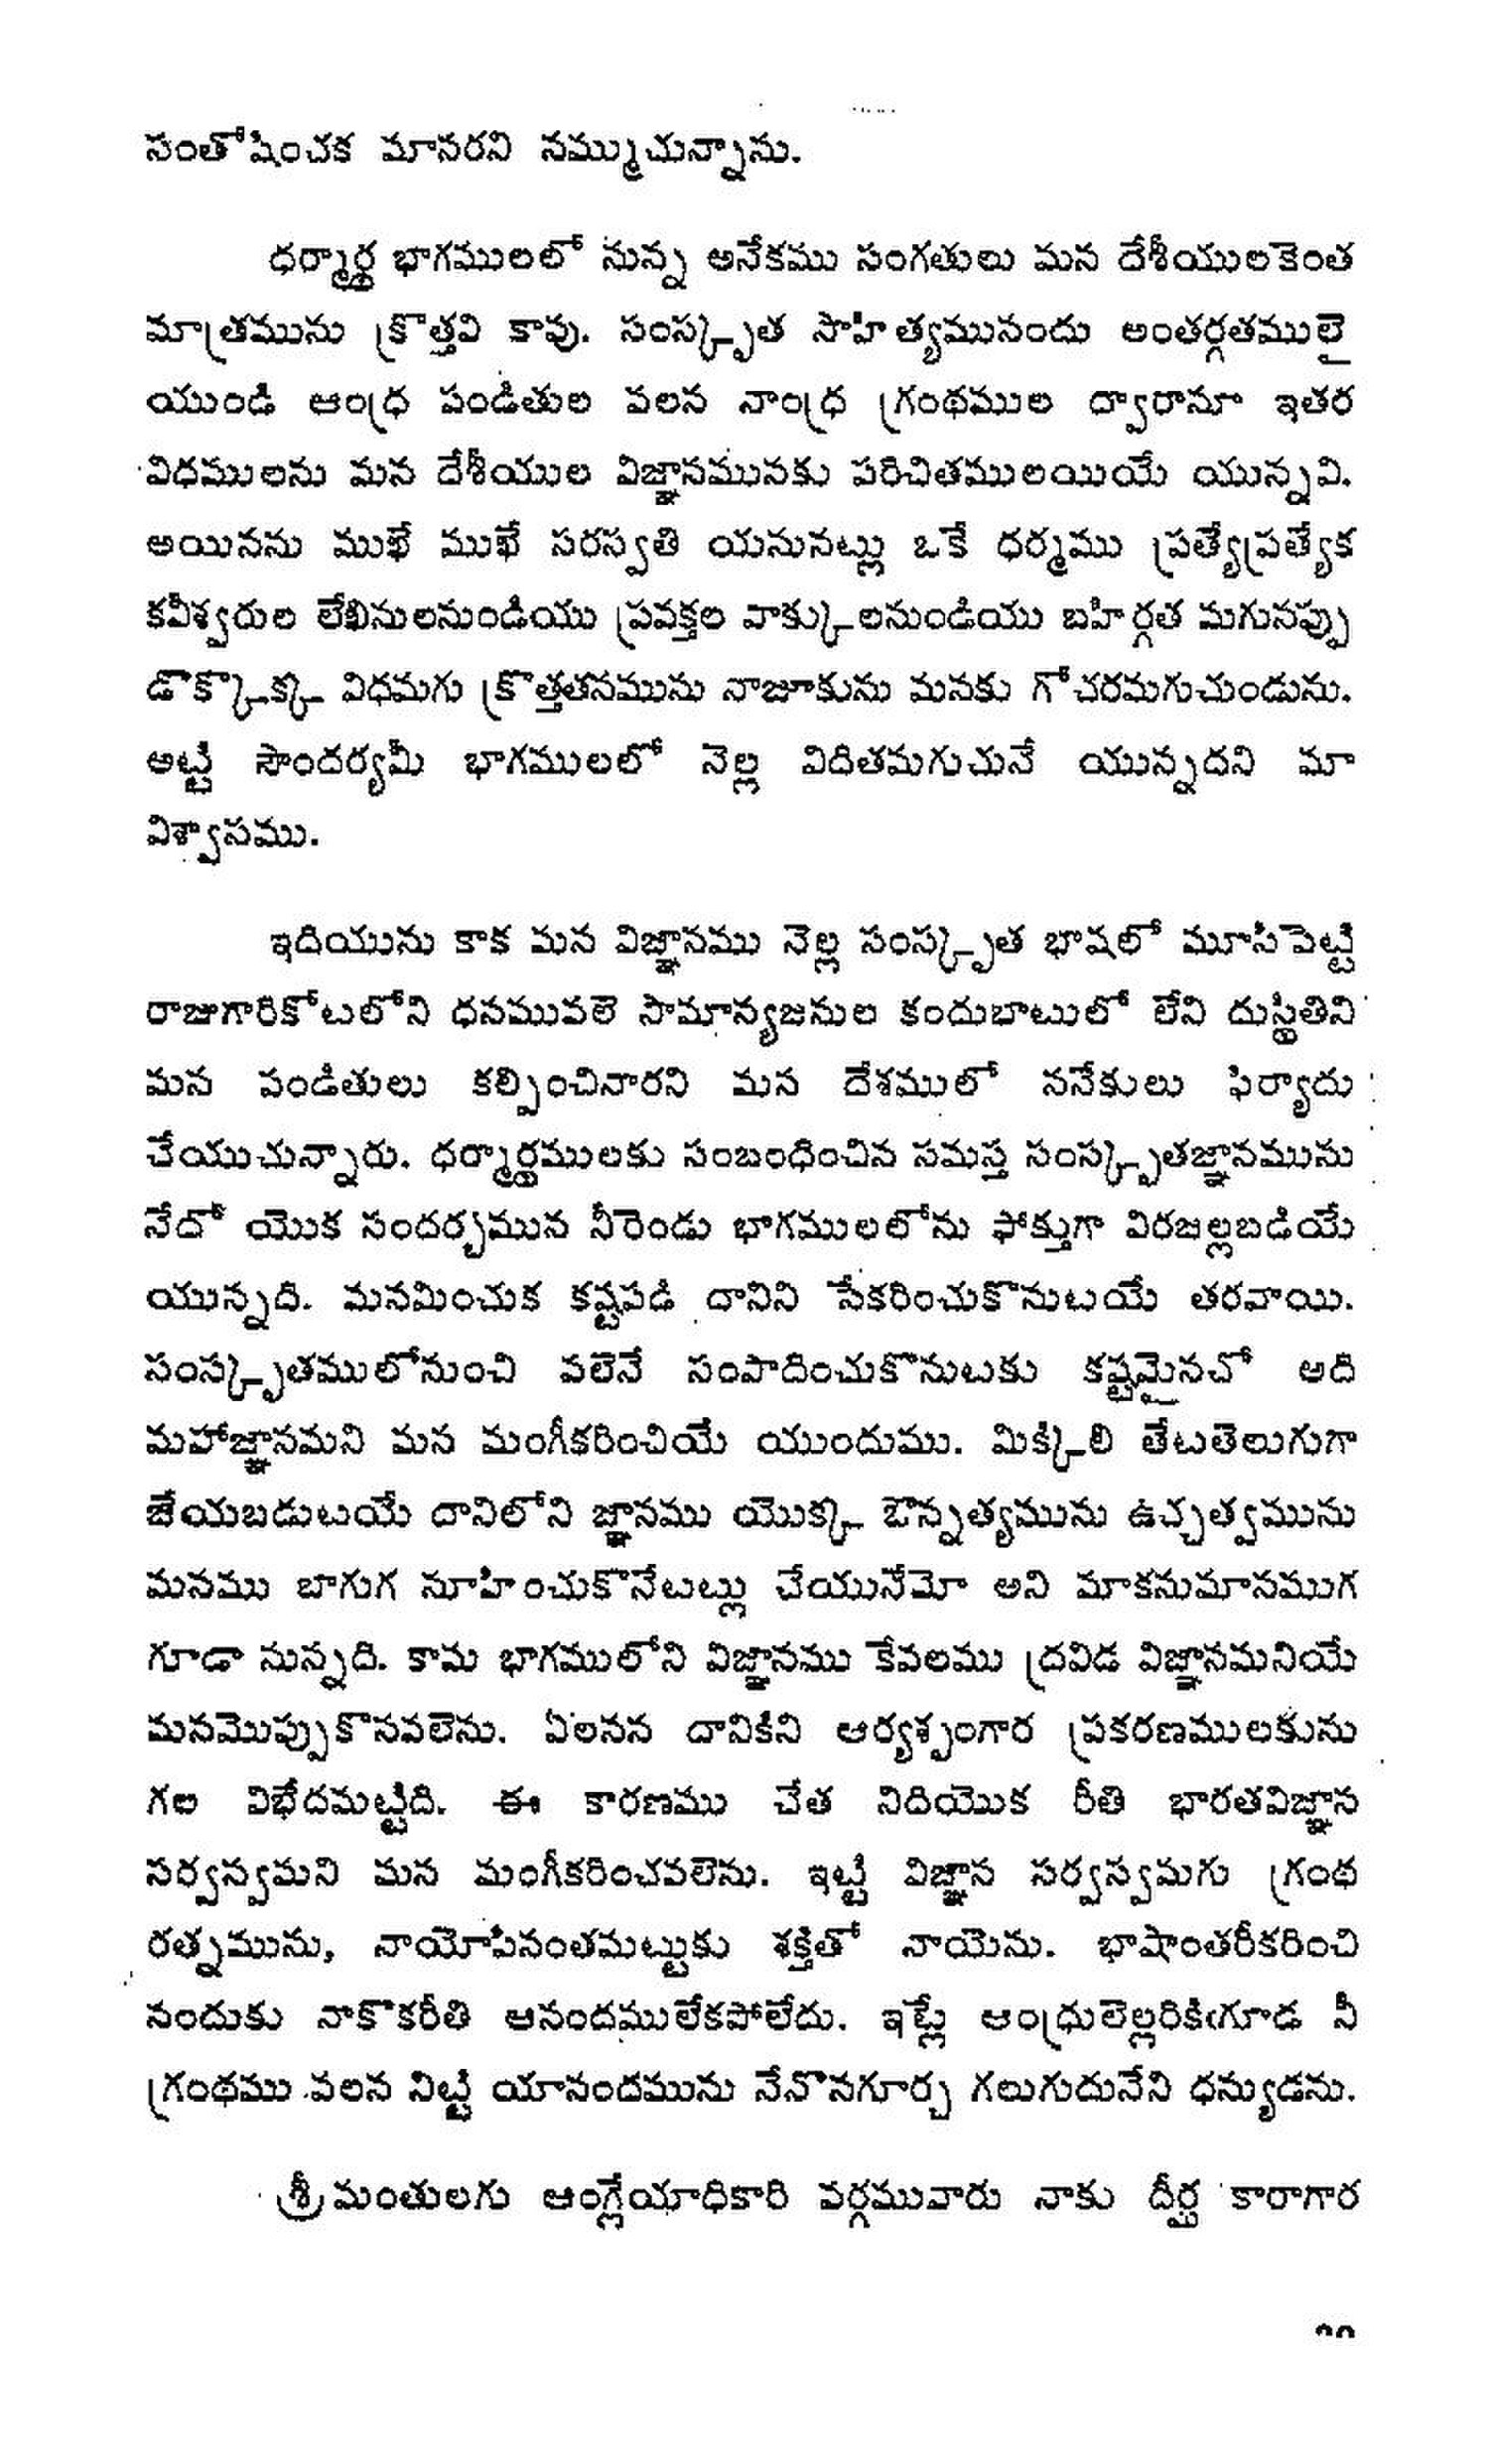సంతోషించక మానరని నమ్ముచున్నాను.

ధర్మార్థ భాగములలో నున్న అనేకము సంగతులు మన దేశీయులకెంత మాత్రమును క్రొత్తవి కావు. సంస్కృత సాహిత్యమునందు అంతర్గతములై యుండి ఆంధ్ర పండితుల వలన నాంధ్ర గ్రంథముల ద్వారానూ ఇతర విధములను మన దేశీయుల విజ్ఞానమునకు పరిచితములయియే యున్నవి. అయినను ముఖే ముఖే సరస్వతి యనునట్లు ఒకే ధర్మము ప్రత్యేప్రత్యేక కవీశ్వరుల లేఖలనుండియు ప్రవక్తల వాక్కులనుండియు బహిర్గత మగునప్పు డొక్కొక్క విధమగు క్రొత్తతనమును నాజూకును మనకు గోచరమగుచుండును. అట్టి సౌందర్యమీ భాగములలో నెల్ల విదితమగుచునే యున్నదని మా విశ్వాసము.

ఇదియును కాక మన విజ్ఞానము నెల్ల సంస్కృత భాషలో మూసిపెట్టి రాజుగారికోటలోని ధనమువలె సామాన్యజనుల కందుబాటులో లేని దుస్థితిని మన పండితులు కల్పించినారని మన దేశములో ననేకులు ఫిర్యాదు చేయుచున్నారు. ధర్మార్థములకు సంబంధించిన సమస్త సంస్కృతజ్ఞానమును నేదో యొక సందర్భమున నీరెండు భాగములలోను ఫోక్తుగా విరజల్లబడియే యున్నది. మనమించుక కష్టపడి దానిని సేకరించుకొనుటయే తరవాయి. సంస్కృతములోనుంచి వలెనే సంపాదించుకొనుటకు కష్టమైనచో అది మహాజ్ఞానమని మన మంగీకరించియే యుందుము. మిక్కిలి తేటతెలుగుగా జేయబడుటయే దానిలోని జ్ఞానము యొక్క ఔన్నత్యమును ఉచ్చత్వమును మనము బాగుగ నూహించుకొనేటట్లు చేయునేమో అని మాకనుమానముగ గూడా నున్నది. కామ భాగములోని విజ్ఞానము కేవలము ద్రవిడ విజ్ఞానమనియే మనమొప్పుకొనవలెను. ఏలనన దానికిని ఆర్యశృంగార ప్రకరణములకును గల విభేదమట్టిది. ఈ కారణము చేత నిదియొక రీతి భారతవిజ్ఞాన సర్వస్వమని మన మంగీకరించవలెను. ఇట్టి విజ్ఞాన సర్వస్వమగు గ్రంథ రత్నమును, నాయోపినంతమట్టుకు శక్తితో నాయెను. భాషాంతరీకరించి నందుకు నాకొకరీతి ఆనందములేకపోలేదు. ఇట్లే ఆంధ్రులెల్లరికిఁగూడ నీ గ్రంథము వలన నిట్టి యానందమును నేనొనగూర్చ గలుగుదునేని ధన్యుడను.

శ్రీమంతులగు ఆంగ్లేయాధికారి వర్గమువారు నాకు దీర్ఘ కారాగార